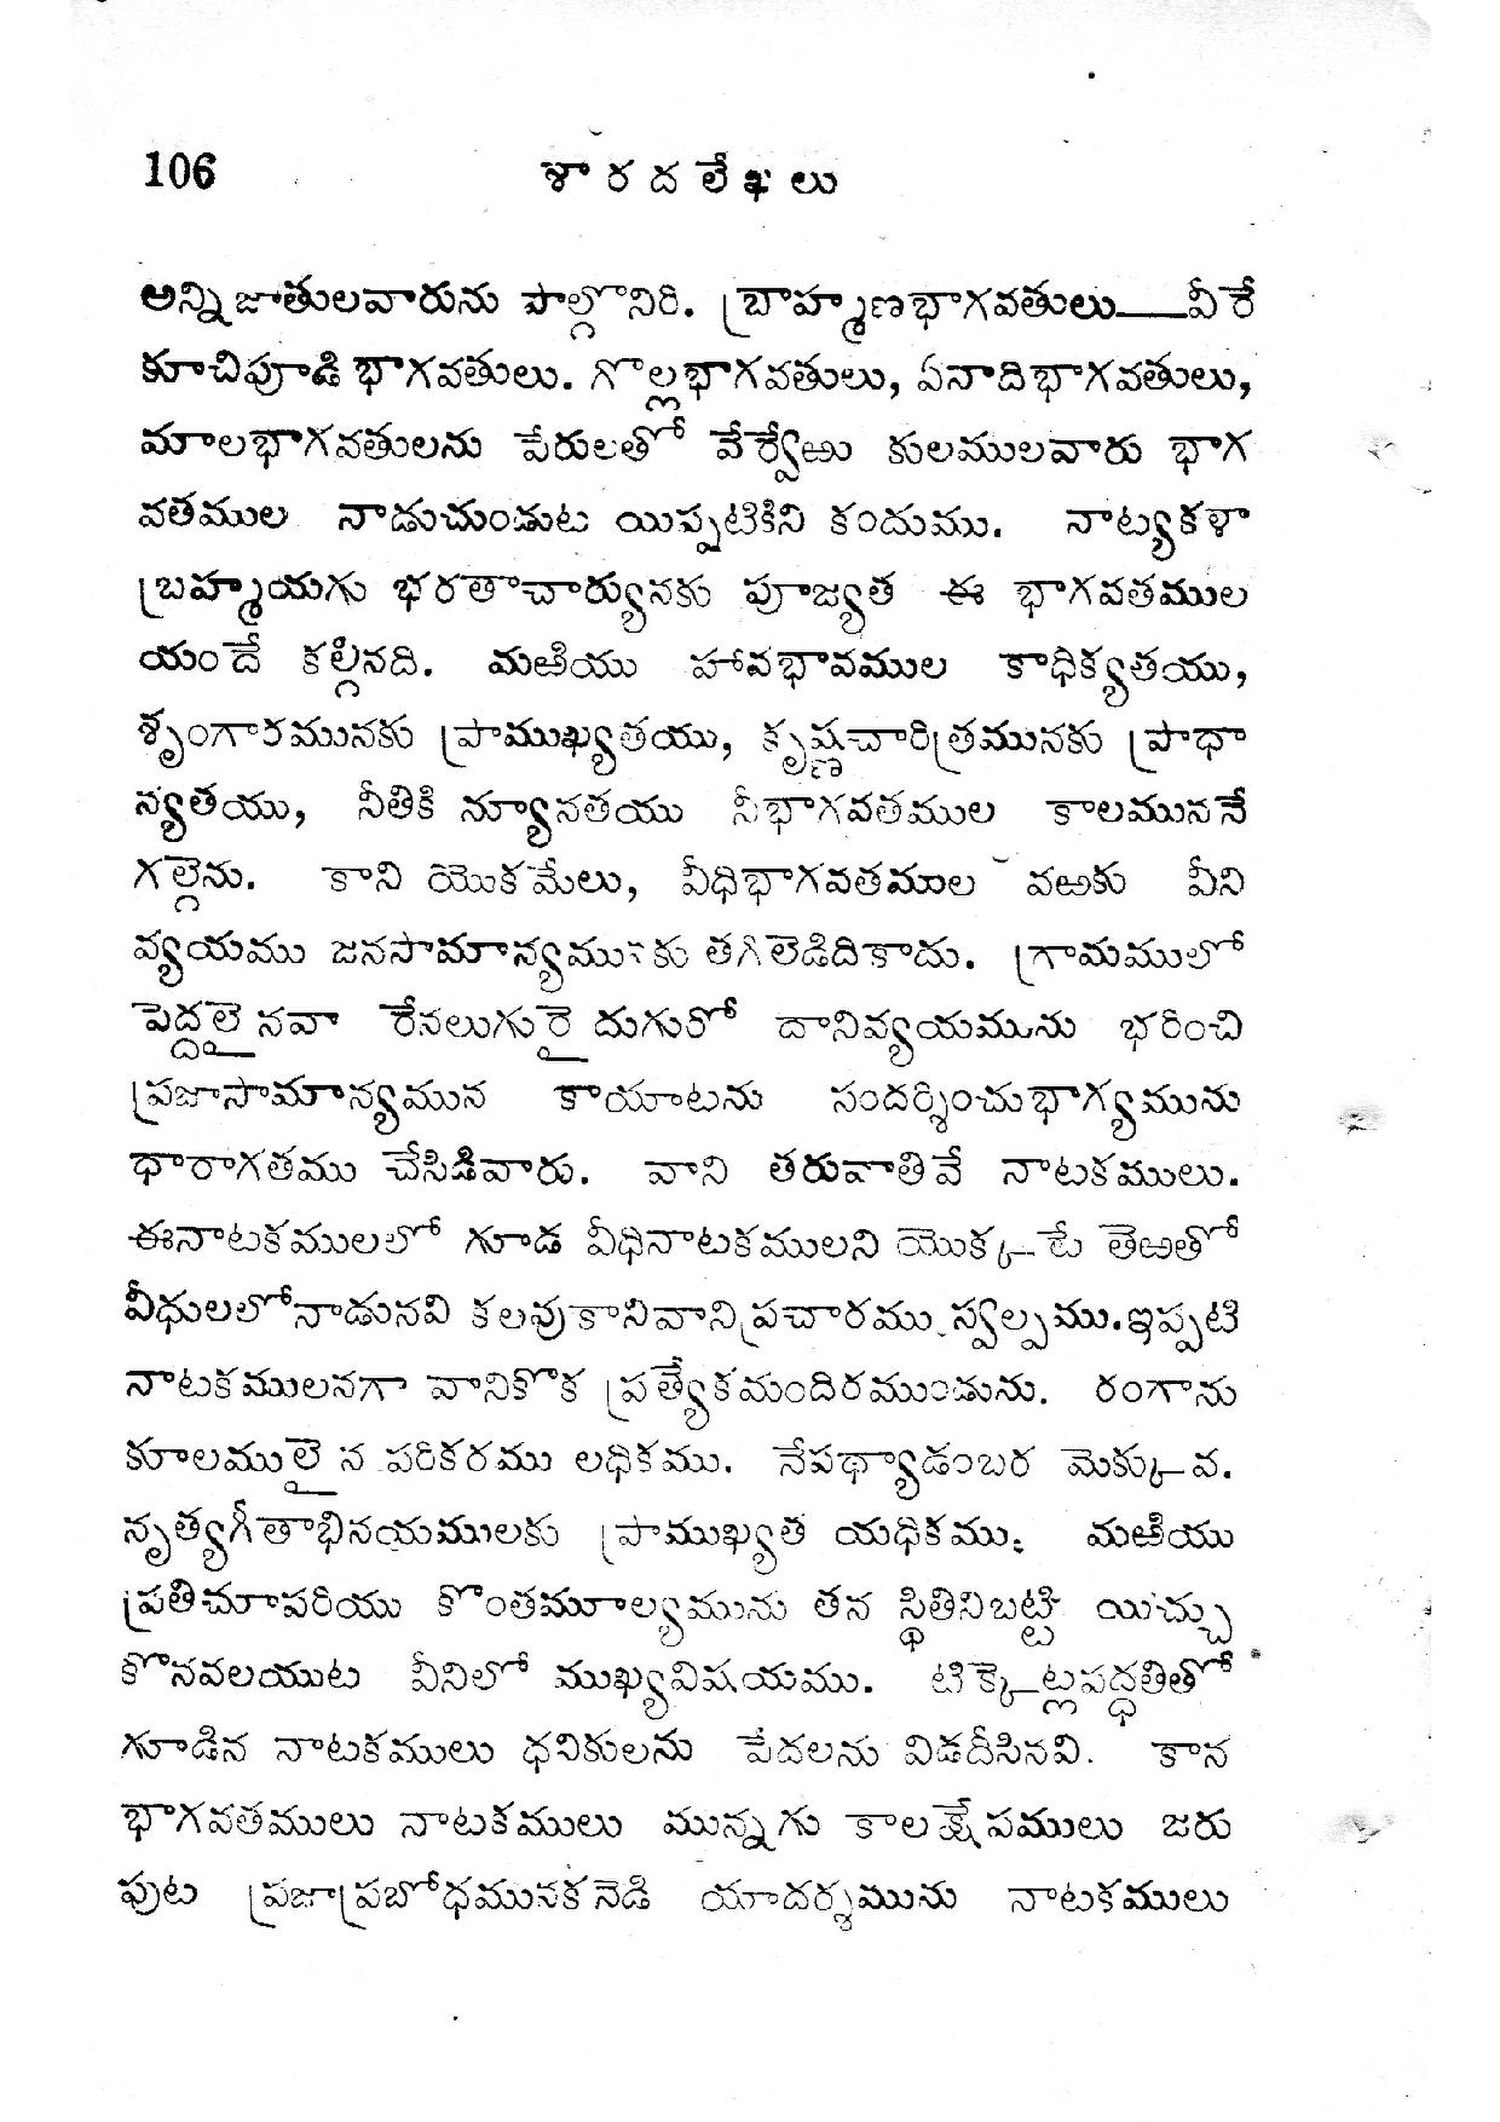అన్నిజాతులవారును పాల్గొనిరి. బ్రాహ్మణభాగవతులు-వీరే కూచిపూడిభాగవతులు. గొల్లభాగవతులు, ఏనాదిభాగవతులు, మాలభాగవతులను పేరులతో వేర్వేఱు కులములవారు భాగవతముల నాడుచుండుట యిప్పటికిని కందుము. నాట్యకళా బ్రహ్మయగు భరతాచార్యునకు పూజ్యత ఈ భాగవతముల యందే కల్గినది. మఱియు హావభావముల కాధిక్యతయు, శృంగారమునకు ప్రాముఖ్యతయు, కృష్ణచారిత్రమునకు ప్రాధాన్యతయు, నీతికి న్యూనతయు నీభాగవతముల కాలముననే గల్గెను. కాని యొకమేలు, వీధిభాగవతముల వఱకు వీని వ్యయము జనసామాన్యమునకు తగిలెడిదికాదు. గ్రామములో పెద్దలైనవా రేనలుగురైదుగురో దానివ్యయమును భరించి ప్రజాసామాన్యమున కాయాటను సందర్శించుభాగ్యమును
ధారాగతము చేసిడివారు. వాని తరువాతివే నాటకములు. ఈనాటకములలో గూడ వీధినాటకములని యొక్కటే తెఱతో వీధులలోనాడునవి కలవు కానివాని ప్రచారము స్వల్పము. ఇప్పటి నాటకములనగా వానికొక ప్రత్యేకమందిరముండును. రంగాను కూలములైన పరికరము లధికము. నేపథ్యాడంబర మెక్కువ.
నృత్యగీతాభినయములకు ప్రాముఖ్యత యధికము. మఱియు ప్రతిచూపరియు కొంతమూల్యమును తన స్థితినిబట్టి యిచ్చు కొనవలయుట వీనిలో ముఖ్యవిషయము. టిక్కెట్లపద్ధతితో గూడిన నాటకములు ధనికులను పేదలను విడదీసినవి. కాన భాగవతములు నాటకములు మున్నగు కాలక్షేపములు జరుపుట ప్రజాప్రబోధమునకనెడి యాదర్శమును నాటకములు